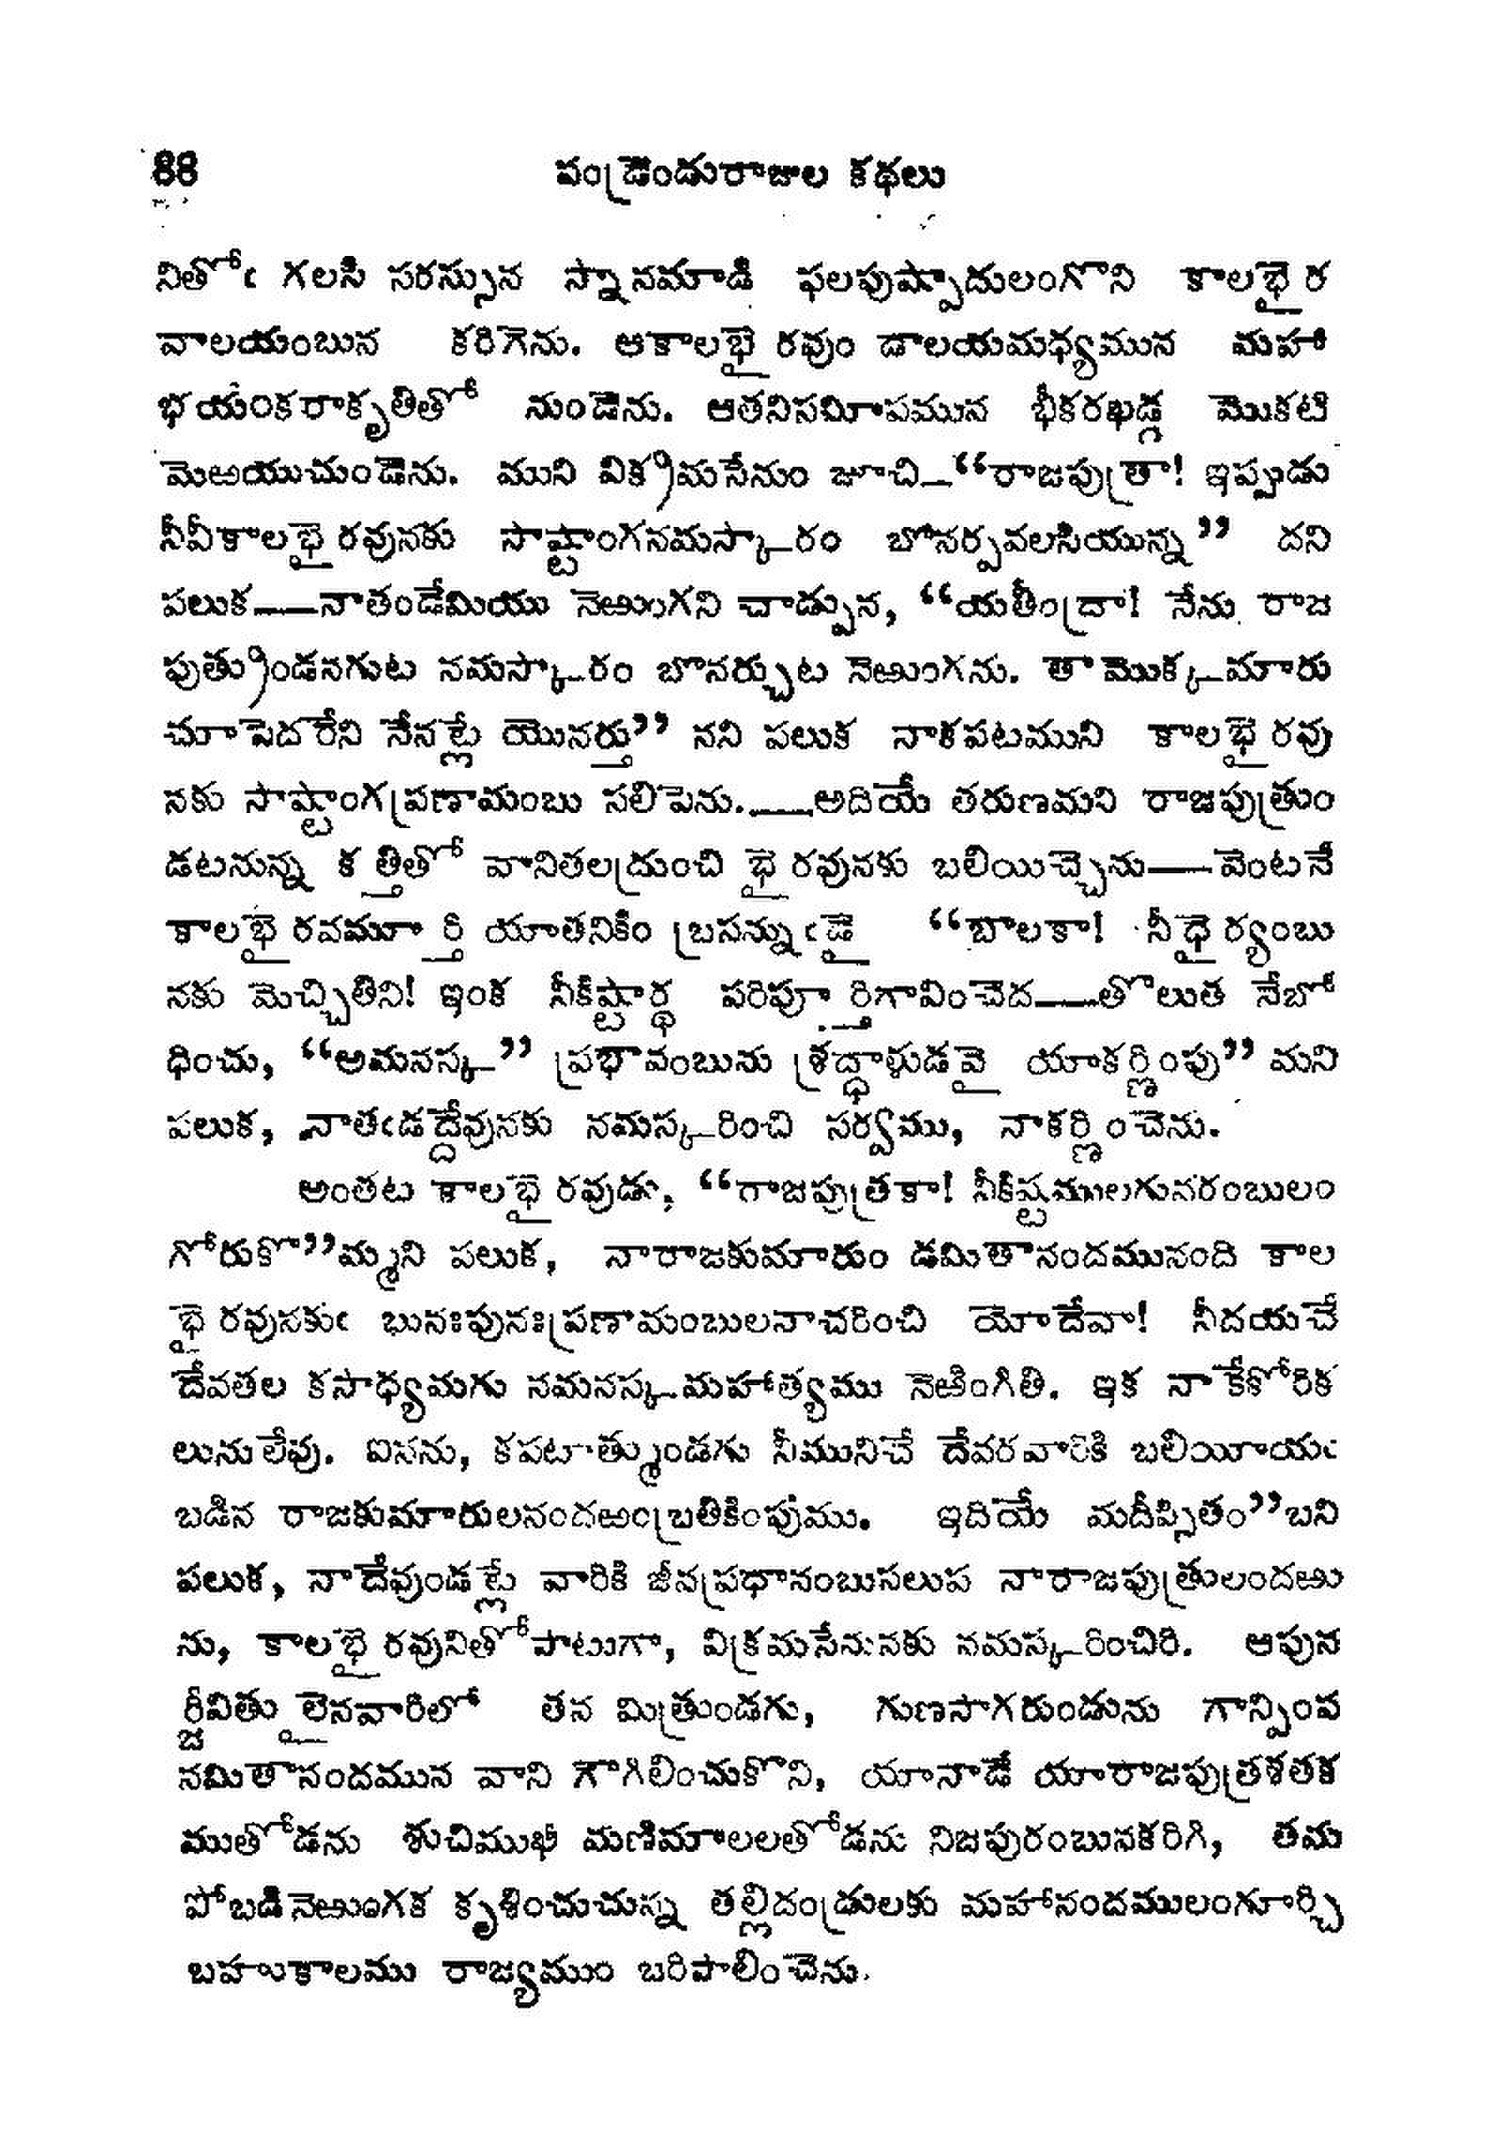నీతోఁ గలసి సరస్సున స్నానమాడి ఫలపుష్పాదులంగొని కాలభైరవాలయంబున కరిగెను. ఆకాలభైరవుం డాలయమధ్యమున మహా భయంక రాకృతితో నుండెను. ఆతని సమీపమున భీకరఖడ్గ మొకటి మెఱయుచుండెను. ముని విక్రమసేనుం జూచి—— “రాజపుత్రా! ఇప్పుడు నీ వీకాలభైరవునకు సాష్టాంగ నమస్కారం బోనర్పవలసియున్న" దని పలుక—— నాతండేమియు నెఱుంగని చాడ్పున, “యతీంద్రా! నేను రాజపుత్రుండనగుట నమస్కారం బొనర్చుట నెఱుంగను. తామొక్కమారు
చూపెదరేని నేనట్లే యొనర్తు ” నని పలుక నాకపటముని కాలభైరవునకు సాష్టాంగ ప్రణామంబు సలిపెను.—— అదియే తరుణమని రాజపుత్రుండటనున్న కత్తితో వానితలద్రుంచి భైరవునకు బలియిచ్చెను—— వెంటనే కాల భైరవమూర్తి యాతనికిం బ్రసన్నుఁడై “బాలకా! నీ ధైర్యంబునకు మెచ్చితిని! ఇంక నీకిష్టార్థ పరిపూర్తిగావించెద——తొలుత నేబోధించు, "అమనస్క"
ప్రభావంబును శ్రద్ధాళుడవై యాకర్ణింపు " మని పలుక, నాతఁడద్దేవునకు నమస్కరించి సర్వము, నాకర్ణించెను.

అంతట కాలభైరవుడు, “రాజపుత్రకా! నీకిష్టములగువరంబులం గోరుకొ"మ్మని పలుక, నారాజకుమారుం డమితానందము నంది. కాలభైరవునకుఁ బునః పునః ప్రణామంబులనాచరించి యోదేవా! నీదయచే దేవతల కసాధ్యమగు నమనస్క మహాత్యము నెఱింగితి. ఇక నాకేకోరికలును లేవు. ఐనను, కపటాత్ముండగు నీమునిచే దేవర వారికి బలియీయఁ
బడిన రాజకుమారులనందఱం బ్రతికింపుము. ఇదియే మదీప్సితం "బని పలుక, నా దేవుండట్లే వారికి జీవ ప్రధానంబు సలుప నా రాజపుత్రులందఱును, కాలభైరవునితో పాటుగా, విక్రమసేనునకు నమస్కరించిరి. ఆఫునర్జీవితులైనవారిలో తన మిత్రుండగు, గుణసాగరుండును గాన్పింప నమితానందమున వాని గౌగిలించుకొని, యానాడే యారాజపుత్రశతకముతోడను శుచిముఖీ మణిమాలలతోడను నిజపురంబునకరిగి, తమ పోబడి నెఱుంగక కృశించుచున్న తల్లిదండ్రులకు మహానందములం గూర్చి బహుకాలము రాజ్యముం బరిపాలించెను.